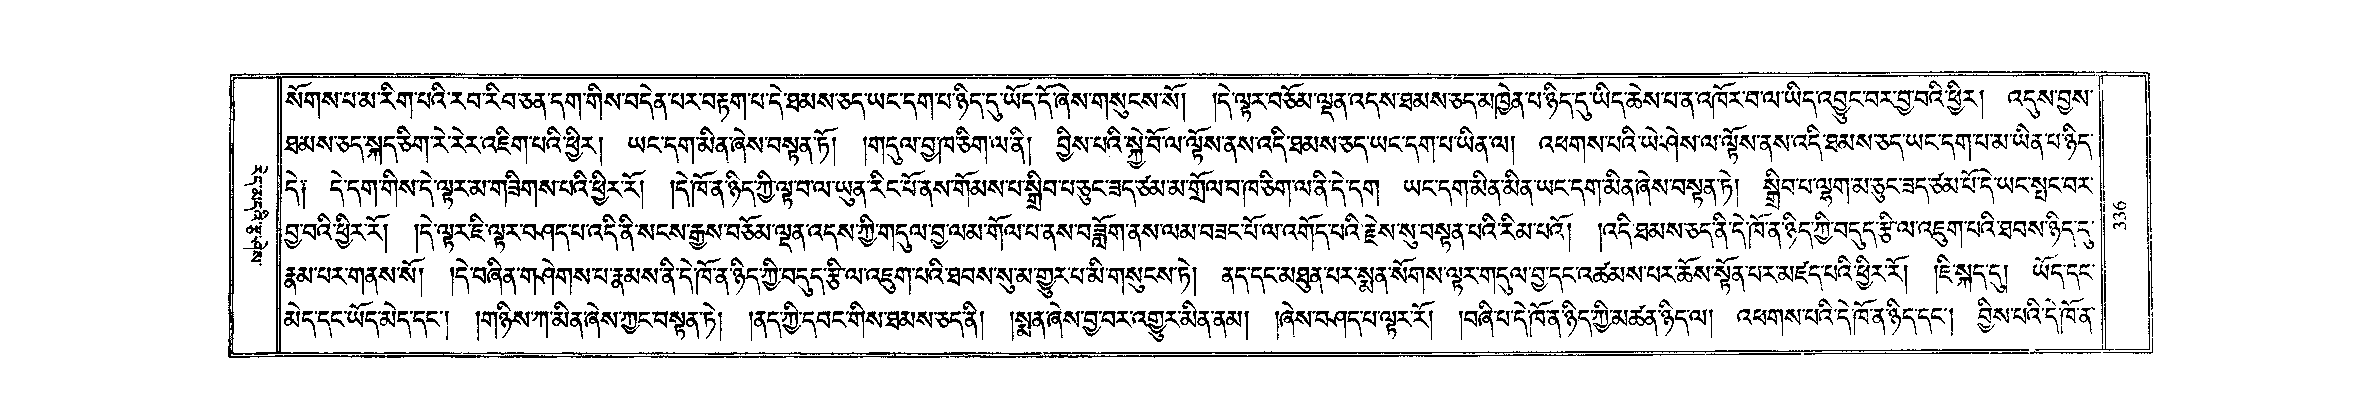སོགས་པ་མ་རིག་པའི་རབ་རིབ་ཅན་དག་གིས་བདེན་པར་བརྟག་པ་དེ་ཐམས་ཅད་ཡང་དག་པ་ཉིད་དུ་ཡོད་དོ་ཞེས་གསུངས་སོ། །དེ་ལྟར་བཅོམ་ལྡན་འདས་ཐམས་ཅད་མཁྱེན་པ་ཉིད་དུ་ཡིད་ཆེས་པ་ན་འཁོར་བ་ལ་ཡིད་འབྱུང་བར་བྱ་བའི་ཕྱིར། འདུས་བྱས་
ཐམས་ཅད་སྐད་ཅིག་རེ་རེར་འཇིག་པའི་ཕྱིར། ཡང་དག་མིན་ཞེས་བསྟན་ཏོ། །གདུལ་བྱ་ཁ་ཅིག་ལ་ནི། བྱིས་པའི་སྐྱེ་བོ་ལ་ལྟོས་ནས་འདི་ཐམས་ཅད་ཡང་དག་པ་ཡིན་ལ། འཕགས་པའི་ཡེ་ཤེས་ལ་ལྟོས་ནས་འདི་ཐམས་ཅད་ཡང་དག་པ་མ་ཡིན་པ་ཉིད་
དེ༑ དེ་དག་གིས་དེ་ལྟར་མ་གཟིགས་པའི་ཕྱིར་རོ། །དེ་ཁོ་ན་ཉིད་ཀྱི་ལྟ་བ་ལ་ཡུན་རིང་པོ་ནས་གོམས་པ་སྒྲིབ་བ་ཅུང་ཟད་ཙམ་མ་གྲོལ་བ་ཁ་ཅིག་ལ་ནི་དེ་དག་ཡང་དག་མིན་མིན་ཡང་དག་མིན་ཞེས་བསྟན་ཏེ། སྒྲིབ་པ་ལྷག་མ་ཅུང་ཟད་ཙམ་པོ་དེ་ཡང་སྤང་བར་
བྱ་བའི་ཕྱིར་རོ། །དེ་ལྟར་ཇི་ལྟར་བཤད་པ་འདི་ནི་སངས་རྒྱས་བཅོམ་ལྡན་འདས་ཀྱི་གདུལ་བྱ་ལམ་གོལ་པ་ནས་བཟློག་ནས་ལམ་བཟང་པོ་ལ་འགོད་པའི་རྗེས་སུ་བསྟན་པའི་རིམ་པའོ། །འདི་ཐམས་ཅད་ནི་དེ་ཁོ་ན་ཉིད་ཀྱི་བདུད་རྩི་ལ་འཇུག་པའི་ཐབས་ཉིད་དུ་
རྣམ་པར་གནས་སོ། །དེ་བཞིན་གཤེགས་པ་རྣམས་ནི་དེ་ཁོ་ན་ཉིད་ཀྱི་བདུད་རྩི་ལ་འཇུག་པའི་ཐབས་སུ་མ་གྱུར་པ་མི་གསུངས་ཏེ། ནད་དང་མཐུན་པར་སྨན་སོགས་ལྟར་གདུལ་བྱ་དང་འཚམས་པར་ཆོས་སྟོན་པར་མཛད་པའི་ཕྱིར་རོ། །ཇི་སྐད་དུ། ཡོད་དང་
མེད་དང་ཡོད་མེད་དང་། །གཉིས་ཀ་མིན་ཞེས་ཀྱང་བསྟན་ཏེ། །ནད་ཀྱི་དབང་གིས་ཐམས་ཅད་ནི། །སྨན་ཞེས་བྱ་བར་འགྱུར་མིན་ནམ། །ཞེས་བཤད་པ་ལྟར་རོ། །བཞི་པ་དེ་ཁོ་ན་ཉིད་ཀྱི་མཚན་ཉིད་ལ། འཕགས་པའི་དེ་ཁོ་ན་ཉིད་དང་། བྱིས་པའི་དེ་ཁོ་ན་